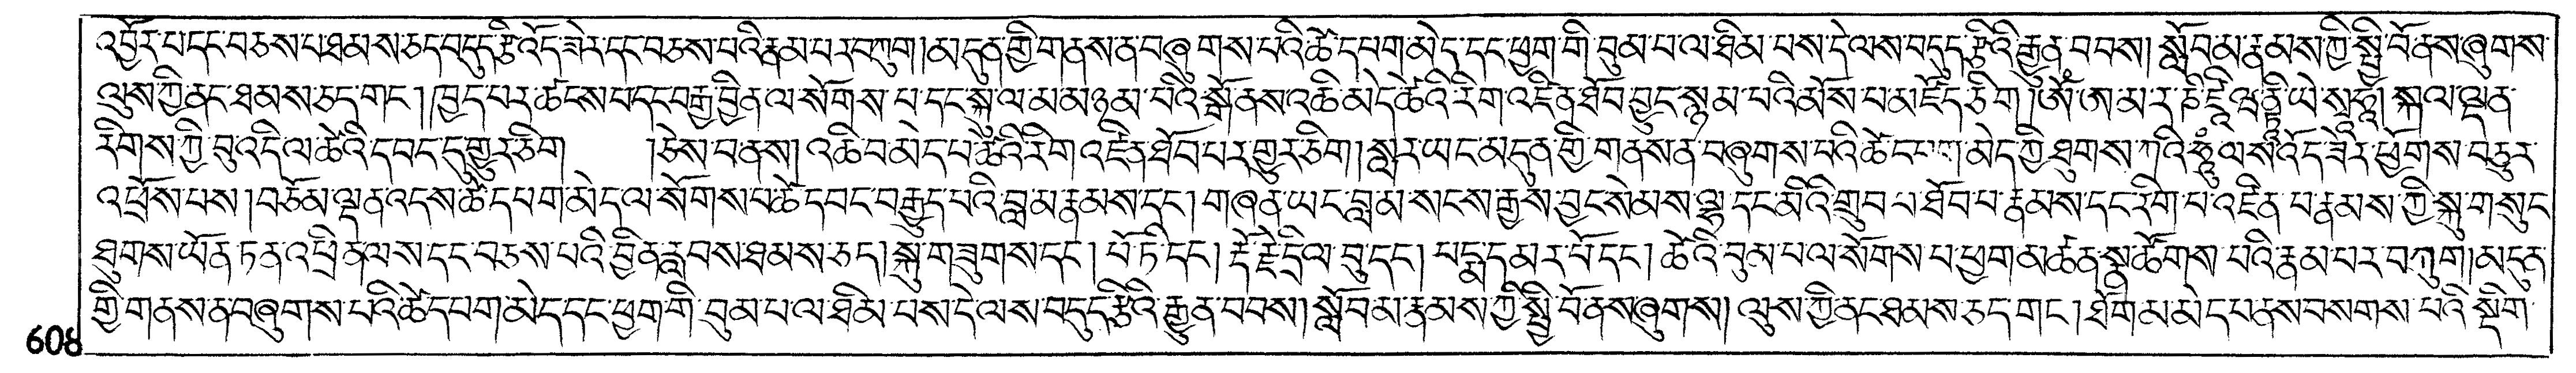འབྱོར་པ་དང་བཅས་པ་ཐམས་ཅད་བདུད་རྩི་འོད་ཟེར་དང་བཅས་པའི་རྣམ་པར་བཀུག །མདུན་གྱི་གནས་ན་བཞུགས་པའི་ཚེ་དཔག་མེད་དང་ཕྱག་གི་བུམ་པ་ལ་ཐིམ་པས་དེ་ལས་བདུད་རྩིའི་རྒྱུན་བབས། སློབ་མ་རྣམས་ཀྱི་སྤྱི་བོ་ནས་ཞུགས་
ལུས་ཀྱི་ནང་ཐམས་ཅད་གང་། ཁྱད་པར་ཚངས་པ་དང་བརྒྱ་བྱིན་ལ་སོགས་པ་དང་སྐུ་ལ་མ་མཉམ་པའི་སྒོ་ནས་འཆི་མེད་ཚེའི་རིག་འཛིན་ཐོབ་བྱུང་སྙམ་པའི་མོས་པ་མཛོད་ཅིག །ཨོཾ་ཨ་མ་ར་ཎི་ཛཱི་ཝནྟཱི་ཡེ་སྭཱ་ཧཱ། སྐལ་ལྡན་
རིགས་ཀྱི་བུ་འདི་ལ་ཚེའི་དབང་དུ་གྱུར་ཅིག །ཅེས་པ་ནས། འཆི་བ་མེད་པ་ཚེའི་རིག་འཛིན་ཐོབ་པར་གྱུར་ཅིག །སླར་ཡང་མདུན་གྱི་གནས་ན་བཞུགས་པའི་ཚེ་དཔག་མེད་ཀྱི་ཐུགས་ཀའི་ཧཱུཾ་ལས་འོད་ཟེར་ཕྱོགས་བཅུར་
འཕྲོས་པས། བཅོམ་ལྡན་འདས་ཚེ་དཔག་མེད་ལ་སོགས་པ་ཚེ་དབང་བརྒྱུད་པའི་བླ་མ་རྣམས་དང་། གཞན་ཡང་བླ་མ་སངས་རྒྱས་བྱང་སེམས་ལྷ་དང་མིའི་གྲུབ་པ་ཐོབ་པ་རྣམས་དང་རིག་པ་འཛིན་པ་རྣམས་ཀྱི་སྐུ་གསུང་
ཐུགས་ཡོན་ཏན་འཕྲིན་ལས་དང་བཅས་པའི་བྱིན་རླབས་ཐམས་ཅད། སྐུ་གཟུགས་དང་། པོ་ཏི་དང་། རྡོ་རྗེ་དྲིལ་བུ་དང་། པདམ་དམར་པོ་དང་། ཚེའི་བུམ་པ་ལ་སོགས་པ་ཕྱག་མཚན་སྣ་ཚོགས་པའི་རྣམ་པར་བཀུག །མདུན་
གྱི་གནས་ན་བཞུགས་པའི་ཚེ་དཔག་མེད་དང་ཕྱག་གི་བུམ་པ་ལ་ཐིམ་པས་དེ་ལས་བདུད་རྩིའི་རྒྱུན་བབས། སློབ་མ་རྣམས་ཀྱི་སྤྱི་བོ་ནས་ཞུགས། ལུས་ཀྱི་ནང་ཐམས་ཅད་གང་། ཐོག་མ་མེད་པ་ནས་བསགས་པའི་སྡིག་